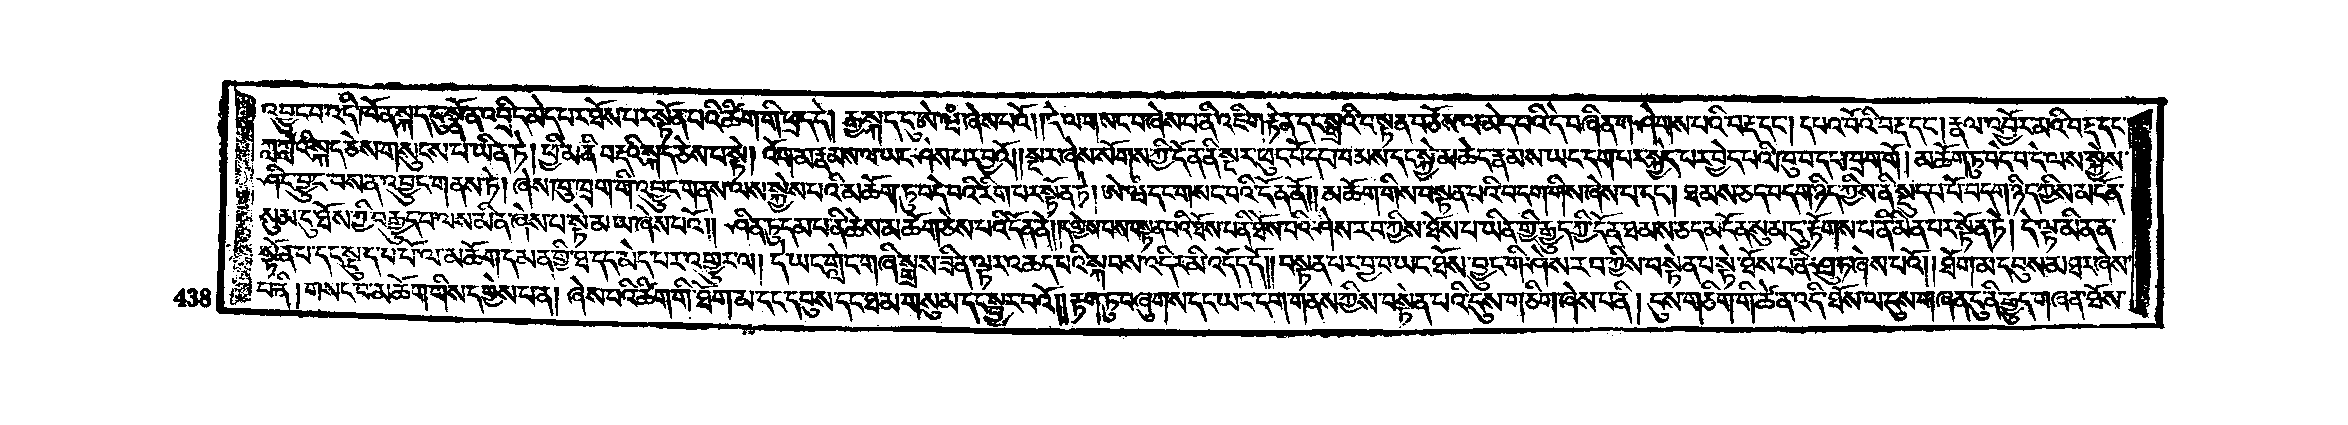འབྱུང་བ་འདི་ཁོ་ན་སྐད་དུ་སྣོན་འབྲིང་མེད་པར་ཐོས་པར་སྟོན་པའི་ཚིག་གི་ཕྲད་དེ། རྒྱ་སྐད་དུ་ཨེ་ཝཾ་ཞེས་པའོ། །དེ་ལ་གསང་བ་ཞེས་པ་ནི་འཇིག་རྟེན་དང་སྒྲའི་བསྟན་བཅོས་ལ་མེད་པའི་དེ་བཞིན་གཤེགས་པའི་བརྡ་དང་། དཔའ་བོའི་བརྡ་དང་། རྣལ་འབྱོར་མའི་བརྡ་དང་།
ཀླ་ཀློའི་སྐད་ཅེས་གསུངས་པ་ཡིན་ཏེ། ཕྱི་མ་ནི་བརྡའི་སྐད་ཅེས་པ་སྟེ། འོག་མ་རྣམས་ལ་ཡང་ཤེས་པར་བྱའོ། །སྔར་ཞེས་སོགས་ཀྱི་དོན་ནི་སྔར་ཕུང་པོ་དང་ཁམས་དང་སྐྱེ་མཆེད་རྣམས་ཡང་དག་པར་སྐྱེད་པར་བྱེད་པའི་ཁུ་བ་དང་ཁྲག་གོ །མཆོག་ཏུ་བདེ་བ་དེ་ལས་སྐྱེས་
ཤིང་བྱུང་བས་ན་འབྱུང་གནས་ཏེ། ཞེས་ཁུ་ཁྲག་གི་འབྱུང་གནས་ལས་སྐྱེས་པའི་མཆོག་ཏུ་བདེ་བའི་རིག་པར་སྟོན་ཏེ། ཨེ་ཝཾ་དང་གསང་བའི་དོན་ནོ། །མཆོག་གིས་བསྟན་པའི་བདག་གིས་ཞེས་པ་དང་། ཐམས་ཅད་བདག་ཉིད་ཀྱི་ས་ནི་སྡུད་པ་པོ་བདག་ཉིད་ཀྱིས་མངོན་
སུམ་དུ་ཐོས་ཀྱི་བརྒྱུད་པ་ལས་མིན་ཞེས་པ་སྟེ་མ་ཡ་ཞེས་པའོ། །ཤིན་ཏུ་དམ་པ་ནི་ཆེས་མཆོག་ཅེས་པའི་དོན་ནོ། །དགྱེས་པས་བསྟན་པའི་ཐོས་པ་ནི་ཐོས་པའི་ཤེས་རབ་ཀྱིས་ཐོས་པ་ཡིན་གྱི་རྒྱུད་ཀྱི་དོན་ཐམས་ཅད་མངོན་སུམ་དུ་རྟོགས་པ་ནི་མིན་པར་སྟོན་ཏེ། དེ་ལྟ་མིན་ན་
སྟོན་པ་དང་སྡུད་པ་པོ་ལ་མཆོག་དམན་གྱི་ཐ་དད་མེད་པར་འགྱུར་ལ། དེ་ཡང་གླེང་གཞི་སྒྲས་ཟིན་ལྟར་འཆད་པའི་སྐབས་འདིར་མི་འདོད་དོ། །བསྟན་པར་བྱ་བ་ཡང་ཐོས་བྱུང་གི་ཤེས་རབ་ཀྱིས་བསྟེན་པ་སྟེ་ཐོས་པ་ནི་ཤྲུ་ཏ་ཞེས་པའོ། །ཐོག་མ་དབུས་མཐར་ཞེས་
པ་ནི། གསང་བ་མཆོག་གིས་དགྱེས་པ་ན། ཞེས་པའི་ཚིག་གི་ཐོག་མ་དང་དབུས་དང་ཐ་མ་གསུམ་དང་སྦྱར་བའོ། །རྟག་ཏུ་བཞུགས་དང་ཡང་དག་གནས་ཀྱིས་བསྟེན་པའི་དུས་གཅིག་ཞེས་པ་ནི། དུས་གཅིག་གི་ཚེ་ན་འདི་ཐོས་ལ་དུས་གཞན་དུ་ནི་རྒྱུད་གཞན་ཐོས་